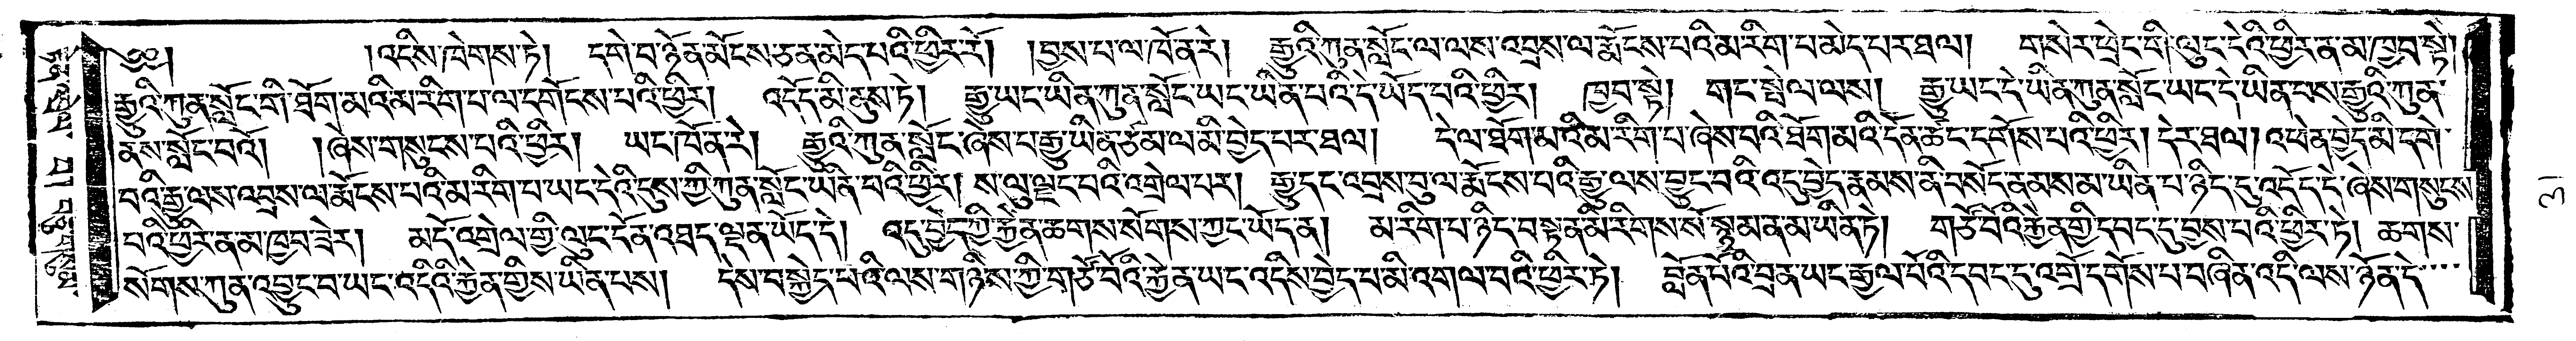༄༅། །འདིས་ཁེགས་ཏེ། དགེ་བ་ཉོན་མོངས་ཅན་མེད་པའི་ཕྱིར་རོ། །བྱས་པ་ལ་ཁོ་ན་རེ། རྒྱུའི་ཀུན་སློང་ལ་ལས་འབྲས་ལ་རྨོངས་པའི་མ་རིག་པ་མེད་པར་ཐལ། གསེར་ཕྲེང་གི་ལུང་དེའི་ཕྱིར་ན་མ་ཁྱབ་སྟེ།
རྒྱུའི་ཀུན་སློང་གི་ཐོག་མའི་མ་རིག་པ་ལ་དགོངས་པའི་ཕྱིར། འདོད་མི་ནུས་ཏེ། རྒྱུ་ཡང་ཡིན་ཀུན་སློང་ཡང་ཡིན་པའི་དེ་ཡོད་པའི་ཕྱིར། ཁྱབ་སྟེ། གང་སྦེལ་ལས། རྒྱུ་ཡང་དེ་ཡིན་ཀུན་སློང་ཡང་དེ་ཡིན་པས་རྒྱུའི་ཀུན་
ནས་སློང་བའོ། །ཞེས་གསུངས་པའི་ཕྱིར། ཡང་ཁོ་ན་རེ། རྒྱུའི་ཀུན་སློང་ཞེས་པ་རྒྱུ་ཡིན་ཙམ་ལ་མི་བྱེད་པར་ཐལ། དེ་ལ་ཐོག་མའི་མ་རིག་པ་ཞེས་བའི་ཐོག་མའི་དོན་ཚང་དགོས་པའི་ཕྱིར། དེར་ཐལ། འཕེན་བྱེད་མི་དགེ་
བའི་རྒྱུ་ལས་འབྲས་ལ་རྨོངས་པའི་མ་རིག་པ་ཡང་དེའི་དུས་ཀྱི་ཀུན་སློང་ཡིན་པའི་ཕྱིར། ས་ལུ་ལྗང་བའི་འགྲེལ་པར། རྒྱུ་དང་འབྲས་བུ་ལ་རྨོངས་བའི་རྒྱུ་ལས་བྱུང་བའི་འདུ་བྱེད་རྣམས་ནི་བསོད་ནམས་མ་ཡིན་པ་ཉིད་དུ་འདོད་དེ་ཞེས་གསུངས་
པའི་ཕྱིར་ནམ་ཁྱབ་ཟེར། མདོ་འགྲེལ་གྱི་ལུང་དོན་འཐད་ལྡན་ཡོད་དེ། འདུ་བྱེད་ཀྱི་རྐྱེན་ཆགས་སོགས་ཀྱང་ཡོད་ན། མ་རིག་པ་ཉིད་བསྟན་མི་རིགས་སོ་སྙམ་ན་མ་ཡིན་ཏེ། གཙོ་བོའི་རྐྱེན་གྱི་དབང་དུ་བྱས་པའི་ཕྱིར་ཏེ། ཆགས་
སོགས་ཀུན་འབྱུང་བ་ཡང་འདིའི་རྐྱེན་གྱིས་ཡིན་པས། དེས་བསྐྱེད་བའི་ལས་གཉིས་ཀྱི་གཙོ་བོའི་རྐྱེན་ཡང་འདིས་བྱེད་པ་མི་འགལ་བའི་ཕྱིར་ཏེ། བློན་པོའི་བྲན་ཡང་རྒྱལ་པོའི་དབང་དུ་འགྲོ་དགོས་པ་བཞིན་འདི་ལས་ཉོན་དེ་